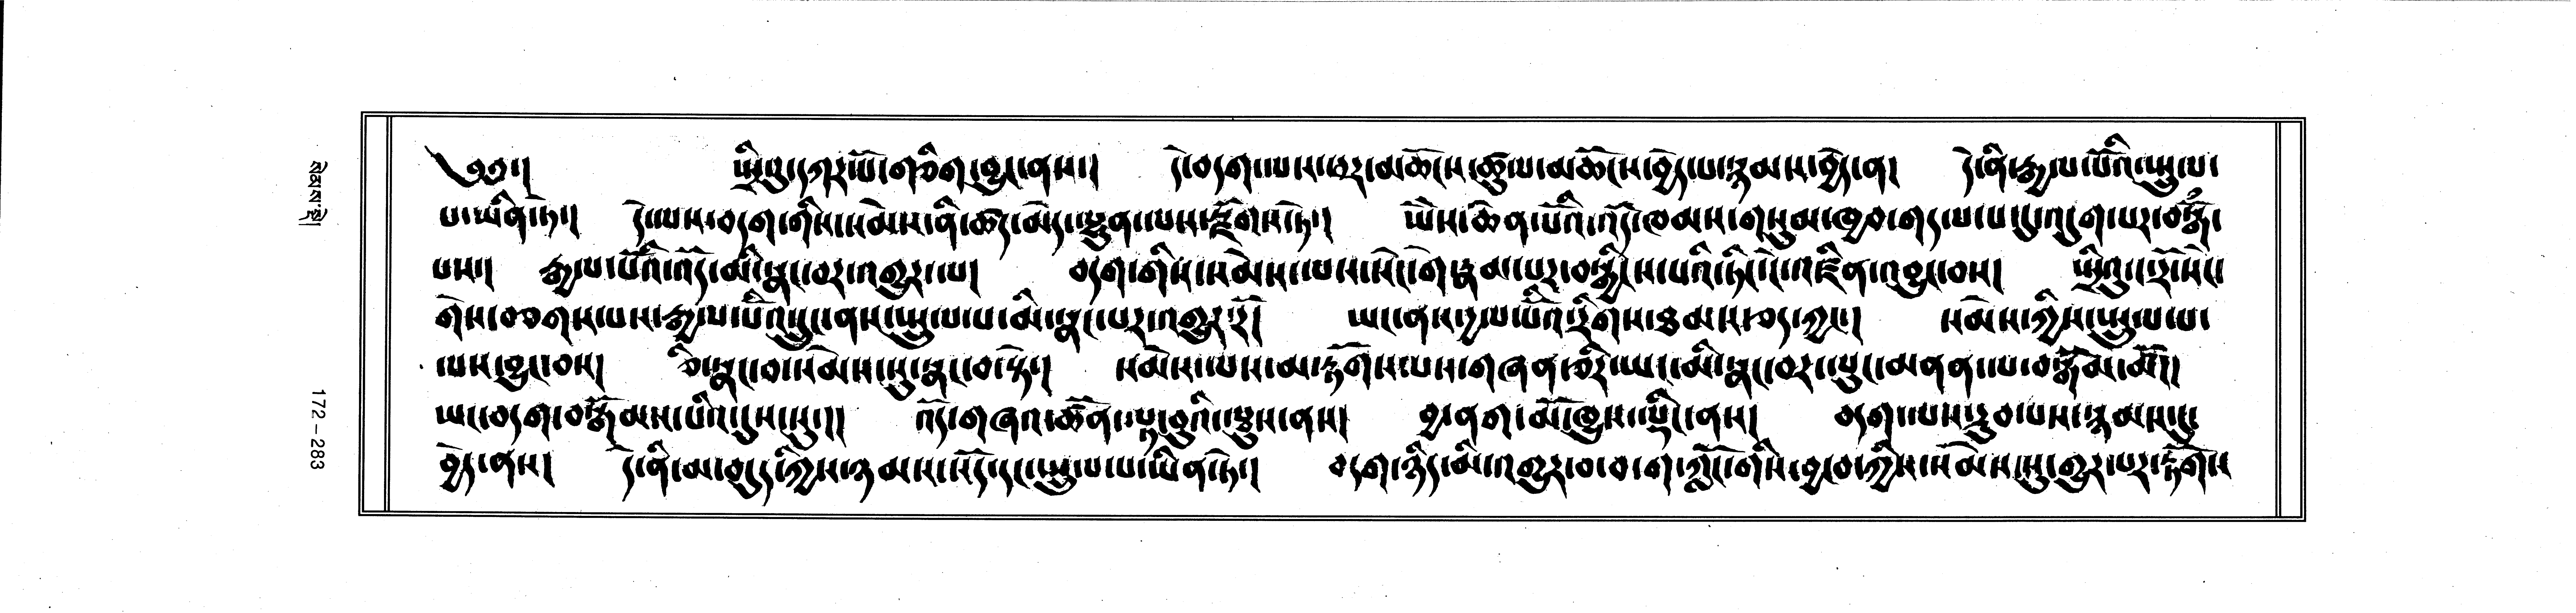སྤྲིའུ་དཀར་པོ་གཅིག་བྱུང་ནས། དེ་བདག་ལས་ཕར་མཚོངས་ཚུལ་མཆོངས་བྱེད་པ་སྙམས་བྱེད་ན། དེ་ནི་རྒྱལ་པོའི་སྤྲུལ་
པ་ཡིན་ཏེ། དེ་ལས་བདག་གིས་སེམས་ནི་ཚད་མེད་ལྷུན་ལས་རྫོགས་ཏེ། ཡེ་ཤེས་ཆེན་པོའི་འོད་ཁམས་གསུམ་ཁྱབ་གདལ་པ་དུ་འདུག་པར་བསྒོམ་
པས། རྒྱལ་པོའི་འོད་མི་སྣང་བར་འགྱུར་ལ། བདག་གིས་སེམས་ལས་སེང་གེ་རྣམ་པར་བསྒྱིངས་པའི་ཏིང་ངེ་འཛིན་འབྱུང་བས། སྲིའུ་ང་རོ་སེམས་
གེས་བཅགས་པས་རྒྱལ་པོའི་དྲུང་ནས་སྤྲུལ་པ་མི་སྣང་པར་འགྱུར་རོ། ཡང་ནས་རྒྱལ་པོའི་རིགས་ཐམས་ཅད་ཀྱང་། སེམས་ཀྱིས་སྤྲུལ་པ་
ལས་བྱུང་བས། ཅི་སྣང་བ་སེམས་སུ་སྣང་བ་སྟེ། སེམས་ལས་མ་རྟོགས་ལས་གཞན་ཅིར་ཡང་ཡི་སྣང་བར་ལུང་མནན་ལ་བསྒོམ་མོ།
 ཡང་བདག་བསྒོམས་པའི་དུས་སུ། འོད་གཞའ་ཚོན་ལྟ་བུའི་ལྦུས་༼དབུས༽ནས། བྱ་ནག་མོ་ཁྱུས་ལྡིང་ནས། བདག་ལས་རུབ་པས་སྙམས་དུ་
བྱེད་ནས། དེ་ནི་མ་བདུད་ཀྱིས་ཉམས་སོད་དང་སྤྲུལ་པ་ཡིན་ཏེ། བདག་ཉིད་མི་འགྱུར་བ་ག་ཀློང་གིས་བྱང་ཆུབ་ཀྱིས་སེམས་སུ་གྱུར་པར་རྟོགས་